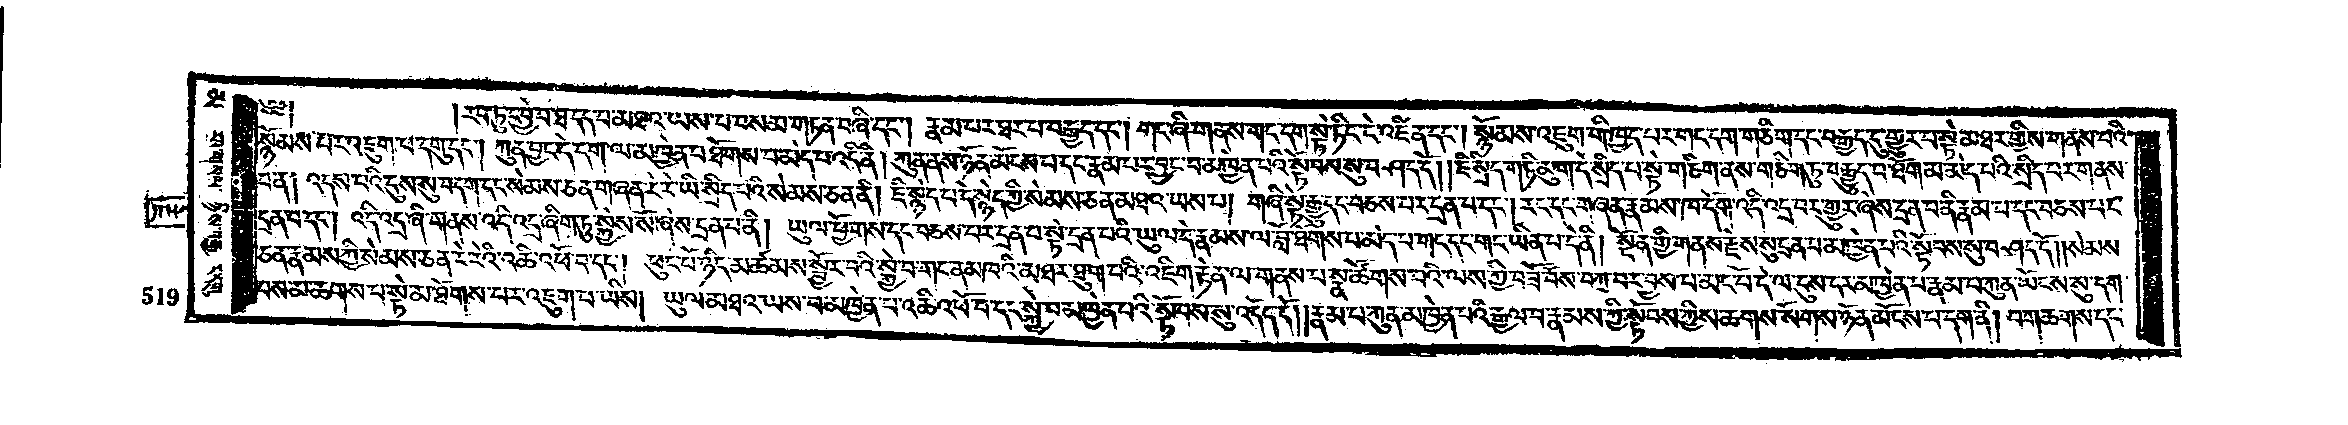༄༅། །རབ་ཏུ་དབྱེ་བ་ཐ་དད་པ་མཐའ་ཡས་པ་བསམ་གཏན་བཞི་དང་། རྣམ་པར་ཐར་པ་བརྒྱད་དང་། གང་ཞི་གནས་གང་དག་སྟེ་ཏིང་ངེ་འཛིན་དང་། སྙོམས་འཇུག་གི་ཁྱད་པར་གང་དག་གཅིག་དང་བརྒྱད་དུ་གྱུར་པ་སྟེ་མཐར་གྱིས་གནས་པའི་
སྙོམས་པར་འཇུག་པ་དགུ་དང་། ཀུན་བྱང་དེ་དག་ལ་མཁྱེན་པ་ཐོགས་པ་མེད་པ་འདི་ནི། ཀུན་ནས་ཉོན་མོངས་པ་དང་རྣམ་པར་བྱང་བ་མཁྱེན་པའི་སྟོབས་སུ་བཤད་དོ། །ཇི་སྲིད་གཏི་མུག་དེ་སྲིད་པ་སྟེ་གཅིག་ནས་གཅིག་ཏུ་བརྒྱུད་པ་ཐོག་མ་མེད་པའི་སྲིད་པར་གནས་
པ་ན། འདས་པའི་དུས་སུ་བདག་དང་སེམས་ཅན་གཞན་རེ་རེ་ཡི་སྲིད་པའི་སེམས་ཅན་ནི། ཇི་སྙེད་པ་དེ་སྙེད་ཀྱི་སེམས་ཅན་མཐའ་ཡས་པ། གཞི་སྟེ་རྒྱུ་དང་བཅས་པར་དྲན་པ་དང་། རང་དང་གཞན་རྣམས་ཁ་དོག་འདི་འདྲ་བར་གྱུར་ཞེས་དྲན་པ་ནི་རྣམ་པ་དང་བཅས་པར་
དྲན་པ་དང་། འདི་འདྲ་ཞི་གནས་འདི་འདྲ་ཞིག་ཏུ་སྐྱེས་སོ་ཞེས་དྲན་པ་ནི། ཡུལ་ཕྱོགས་དང་བཅས་པར་དྲན་པ་སྟེ་དྲན་པའི་ཡུལ་དེ་རྣམས་ལ་བློ་ཐོགས་པ་མེད་པ་གང་དང་གང་ཡིན་པ་དེ་ནི། སྔོན་གྱི་གནས་རྗེས་སུ་དྲན་པ་མཁྱེན་པའི་སྟོབས་སུ་བཤད་དོ། །སེམས་
ཅན་རྣམས་ཀྱི་སེམས་ཅན་རེ་རེའི་འཆི་འཕོ་བ་དང་། ཕུང་པོ་ཉིང་མཚམས་སྦྱོར་བའི་སྐྱེ་བ་གང་ནམ་མཁའི་མཐར་ཐུག་པའི་འཇིག་རྟེན་ལ་གནས་པ་སྣ་ཚོགས་པའི་ལས་ཀྱི་བཟོ་བོས་བཀྲ་བར་བྱས་པ་མང་པོ་དེ་ལ་དུས་དེར་མཁྱེན་པ་རྣམ་པ་ཀུན་ཡོངས་སུ་དག་
པས་མ་ཆགས་པ་སྟེ་མ་ཐོགས་པར་འཇུག་པ་ཡིས། ཡུལ་མཐའ་ཡས་པ་མཁྱེན་པ་འཆི་འཕོ་བ་དང་སྐྱེ་བ་མཁྱེན་པའི་སྟོབས་སུ་འདོད་དོ། །རྣམ་པ་ཀུན་མཁྱེན་པའི་རྒྱལ་བ་རྣམས་ཀྱི་སྟོབས་ཀྱིས་ཆགས་སོགས་ཉོན་མོངས་པ་དག་ནི། བག་ཆགས་དང་